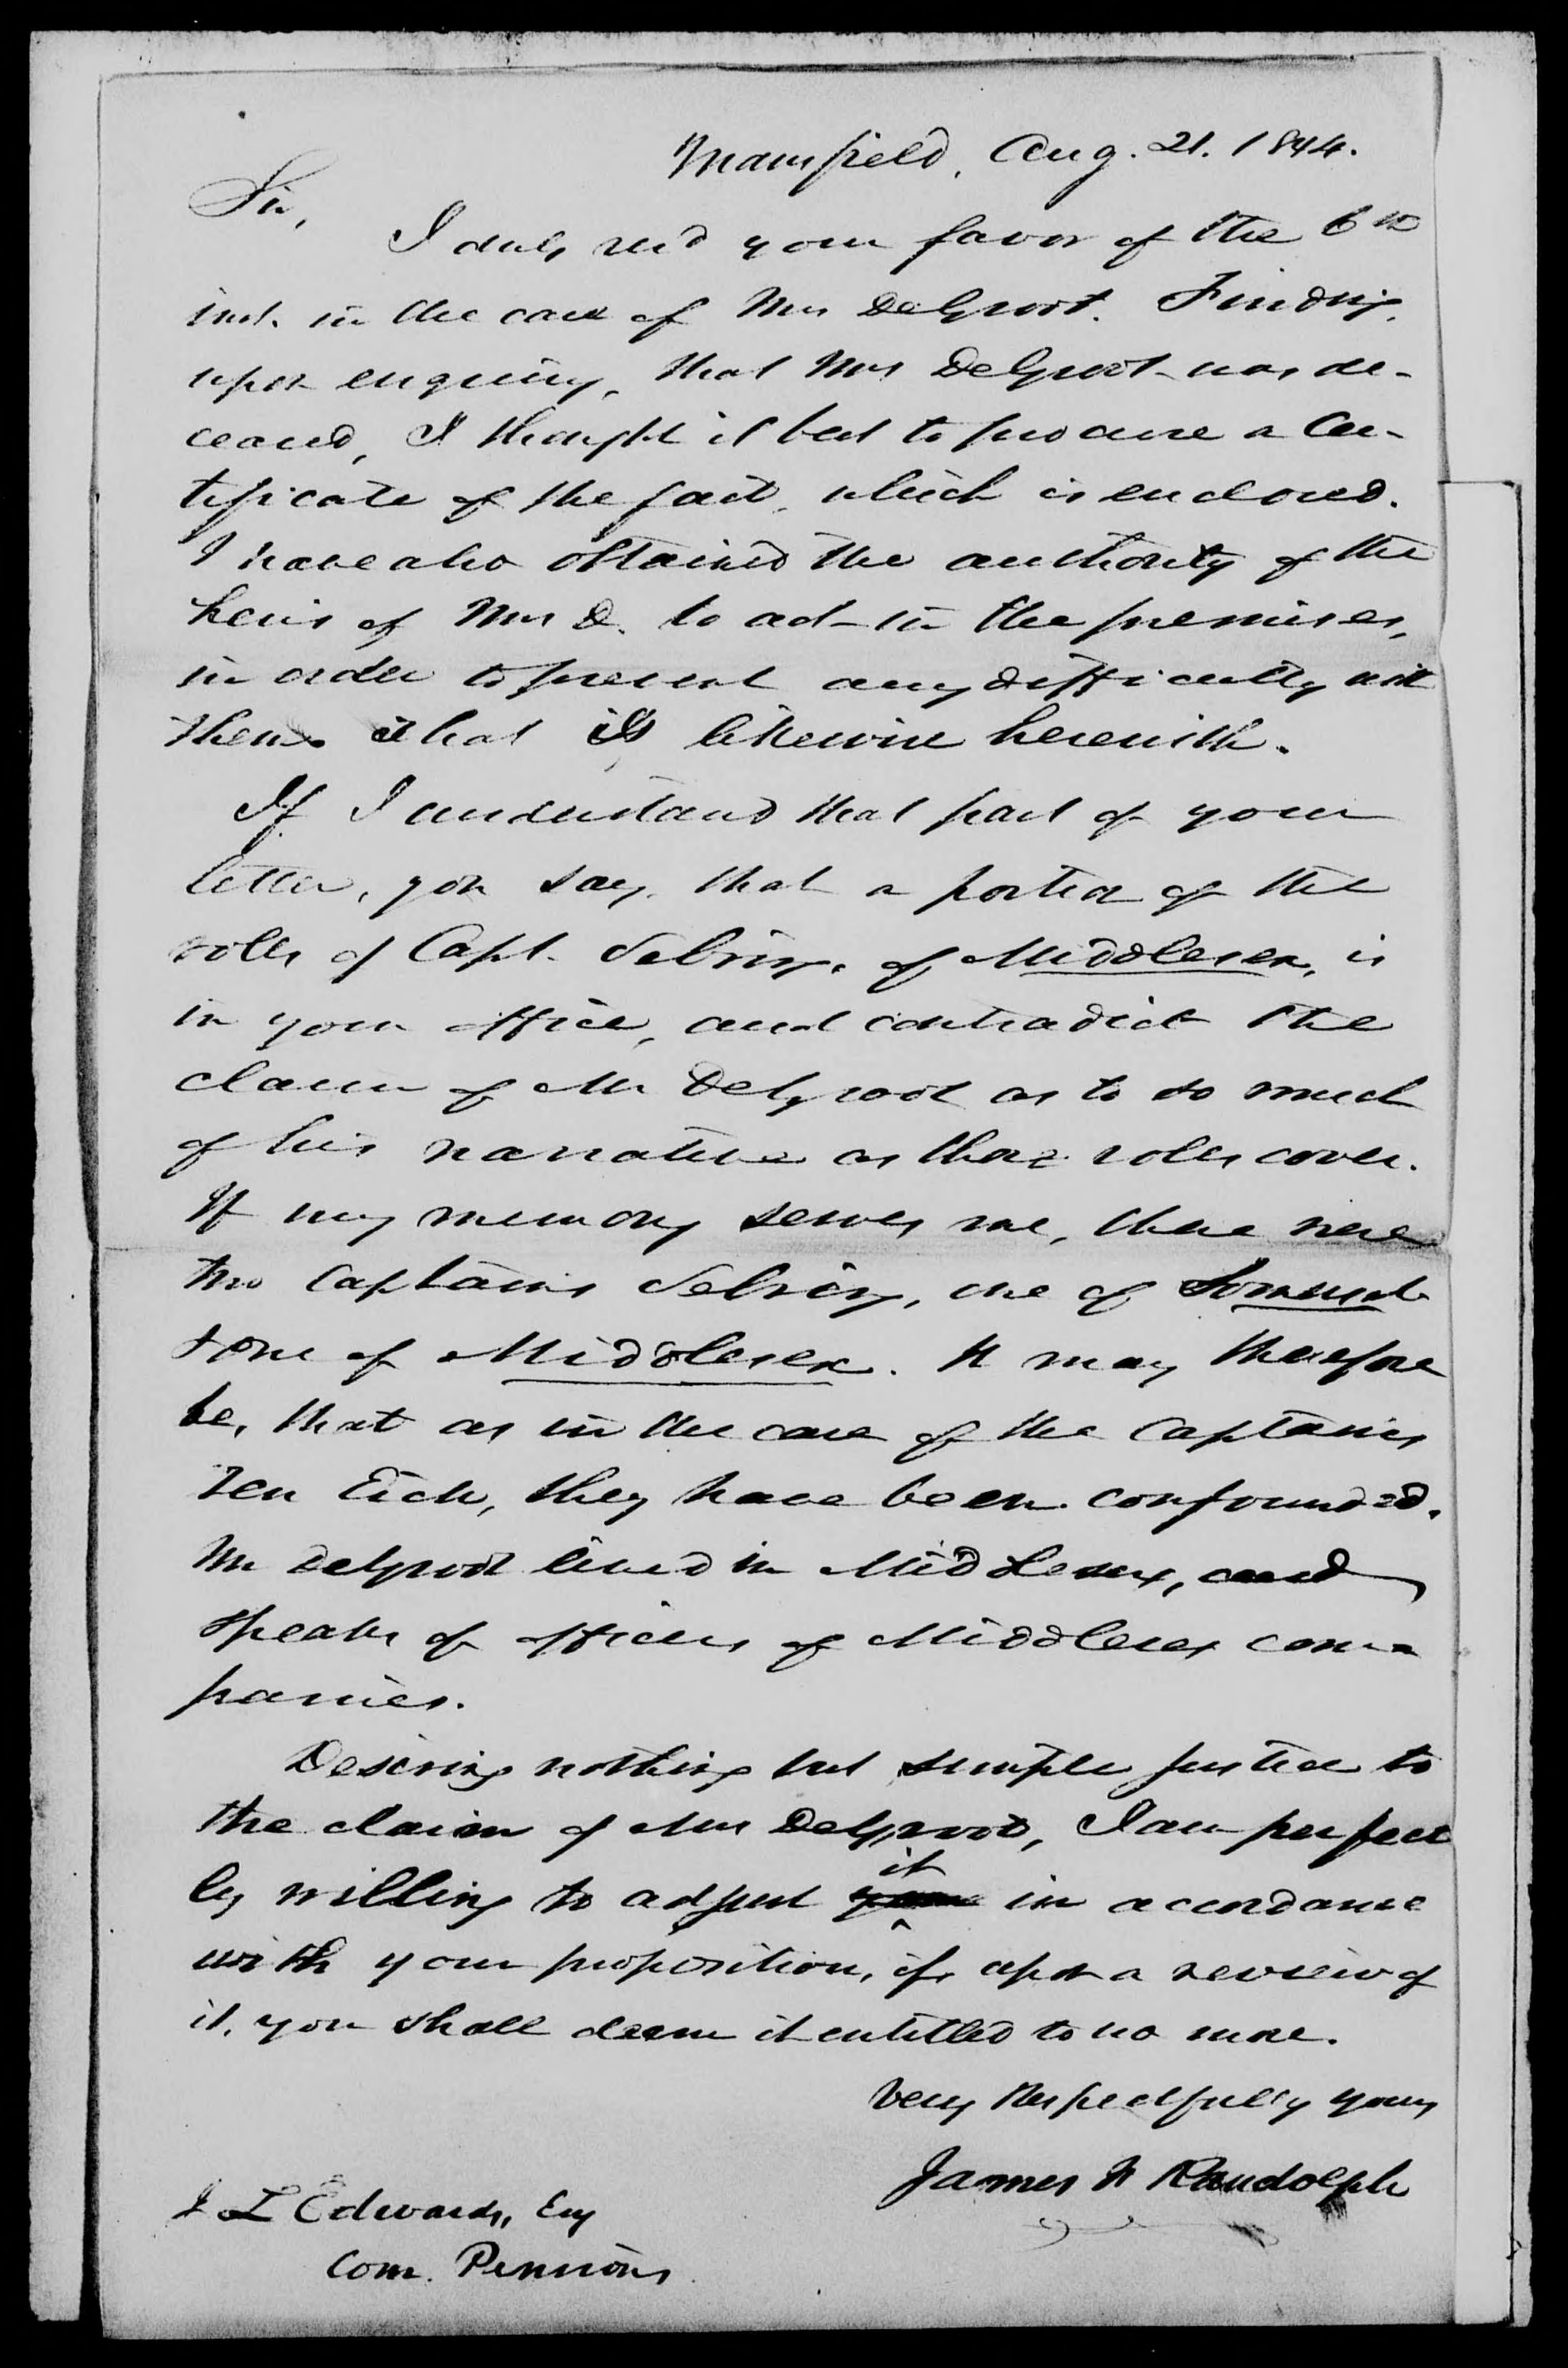Mansfield, Aug. 21. 1844.
Sir, I duly recd your favor of the 6th inst in the case of Mrs De Groot.  Finding upon enquiry that Mrs De Groot was deceased, I thought it best to procure a Certificate of the fact, which is enclosed.  I have also obtained the authority of the heirs of Mrs D. to act in the premises, in order to prevent any difficulty with them. That is likewise herewith.
If I understand that part of your letter, you say that a portion of the rolls of Capt. Sebring of Middlesex, [underlined] is in your office, and contradict the clause of Mr De Groot as to so much of his narrative as those rolls cover.  If my memory serves me, there were two Captains Sebring, one of Somerset [underlined] & one of Middlesex. [underlined] It may therefore be, that as in the case of the Captains Ten Eich, they have been confounded.  Mr De Groot lived in Middlesex, and speaks of officers of Middlesex companies.
Desiring nothing but simple justice to the claim of Mr De Groot, I am perfectly willing to adjust it in accordance with your proposition, if upon a review of it, you shall deem it entitled to no more.
Very respectfully yours [signed] James F Randolph
J L Edwards, Esq Com. Pensions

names: Sebring, James F Randolph, De Groot, Ten Eick, De Groot, De Groot, J L Edwards, De Groot, Sebring, De Groot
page: 39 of 77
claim: widow's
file: W. 417, William De Groot, New Jersey